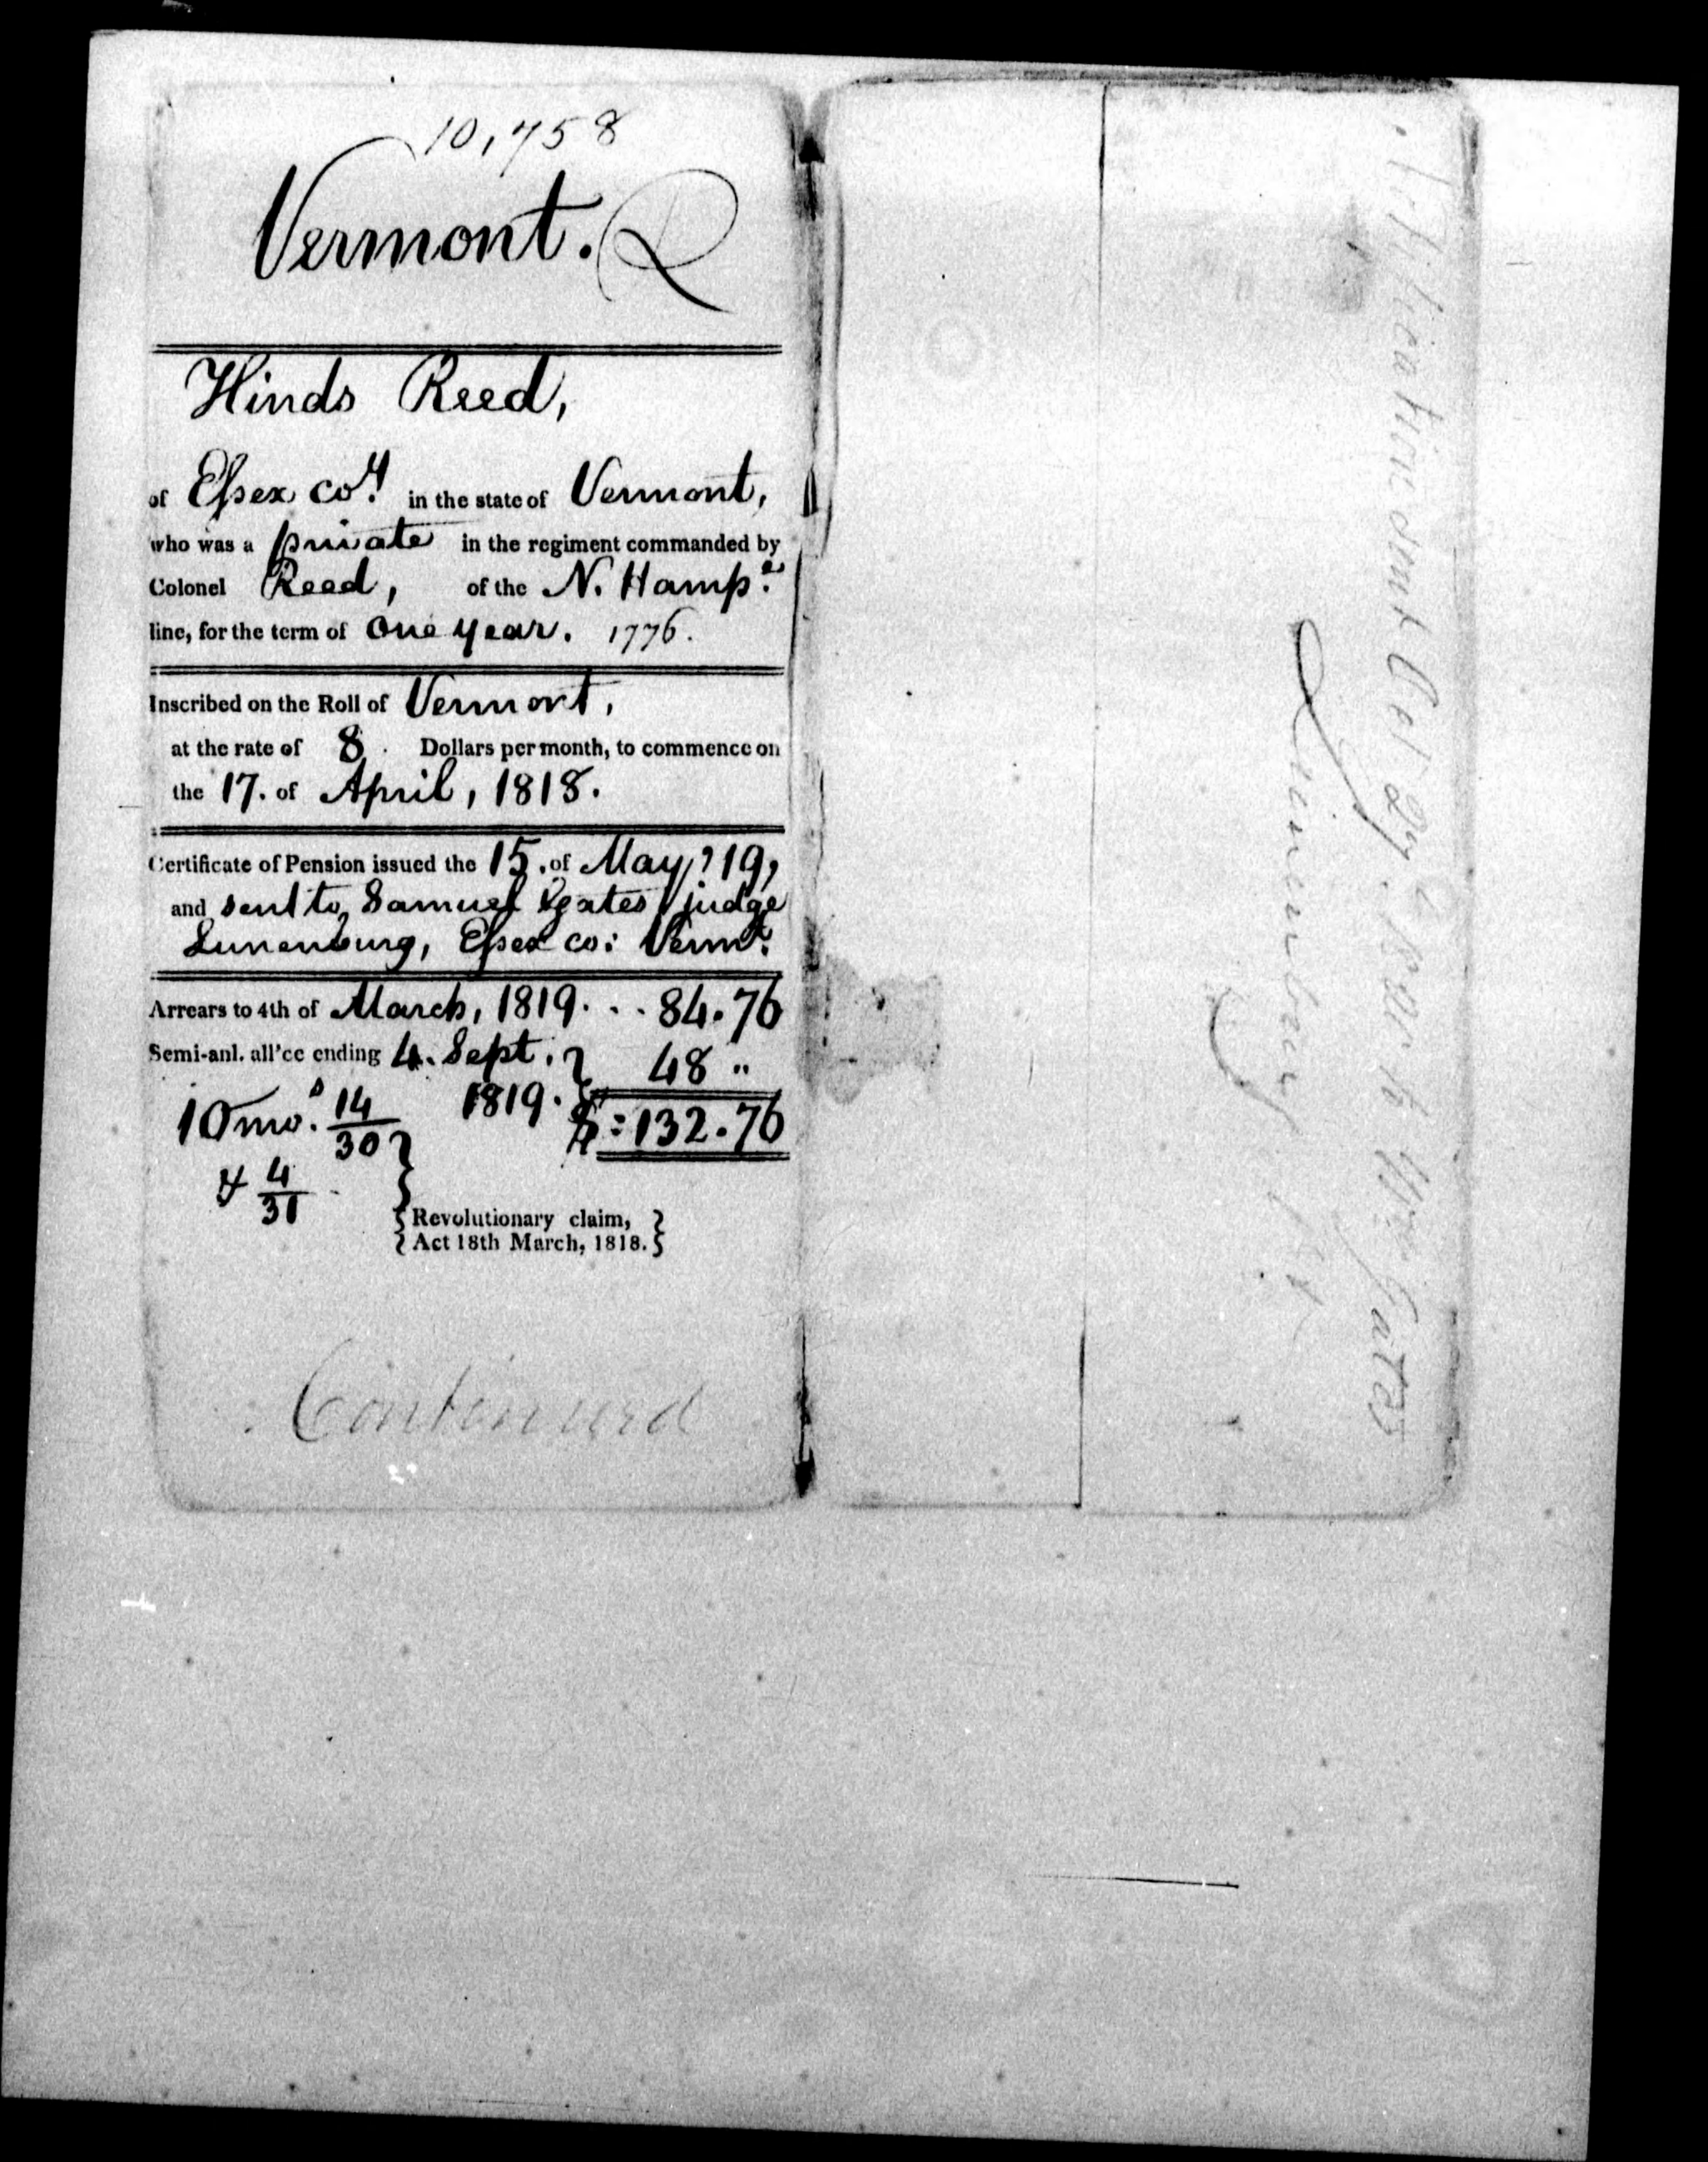10,758
Vermont
Hinds Reed,
of Essex Co. in the state of Vermont, who was a private in the regiment commanded by Colonel Reed, of the N.Hampr line, for the term of one year. 1776.
Inscribed on the Roll of Vermont, at the rate of 8 Dollars per month, to commence on the 17 of April, 1818.
Certificate of Pension issued the 15 of May 19, and sent to Samuel Gates Judge Lunenburg, Esex Co Vermt.
Arrears to March, 1819 84.76
Semi-anl all'ce ending 4 Sept 1819 48
$132.76
{Revolutionary Claim, Act 18th March, 1818.}

10 mo. 14/30
+ 4/31
Continued

[illegible]Lunenberg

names: Hinds Reed; Samuel Gates; [BLANK] Reed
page: 2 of 19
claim: survivor's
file: S 41975, for Hinds Reed, New Hampshire